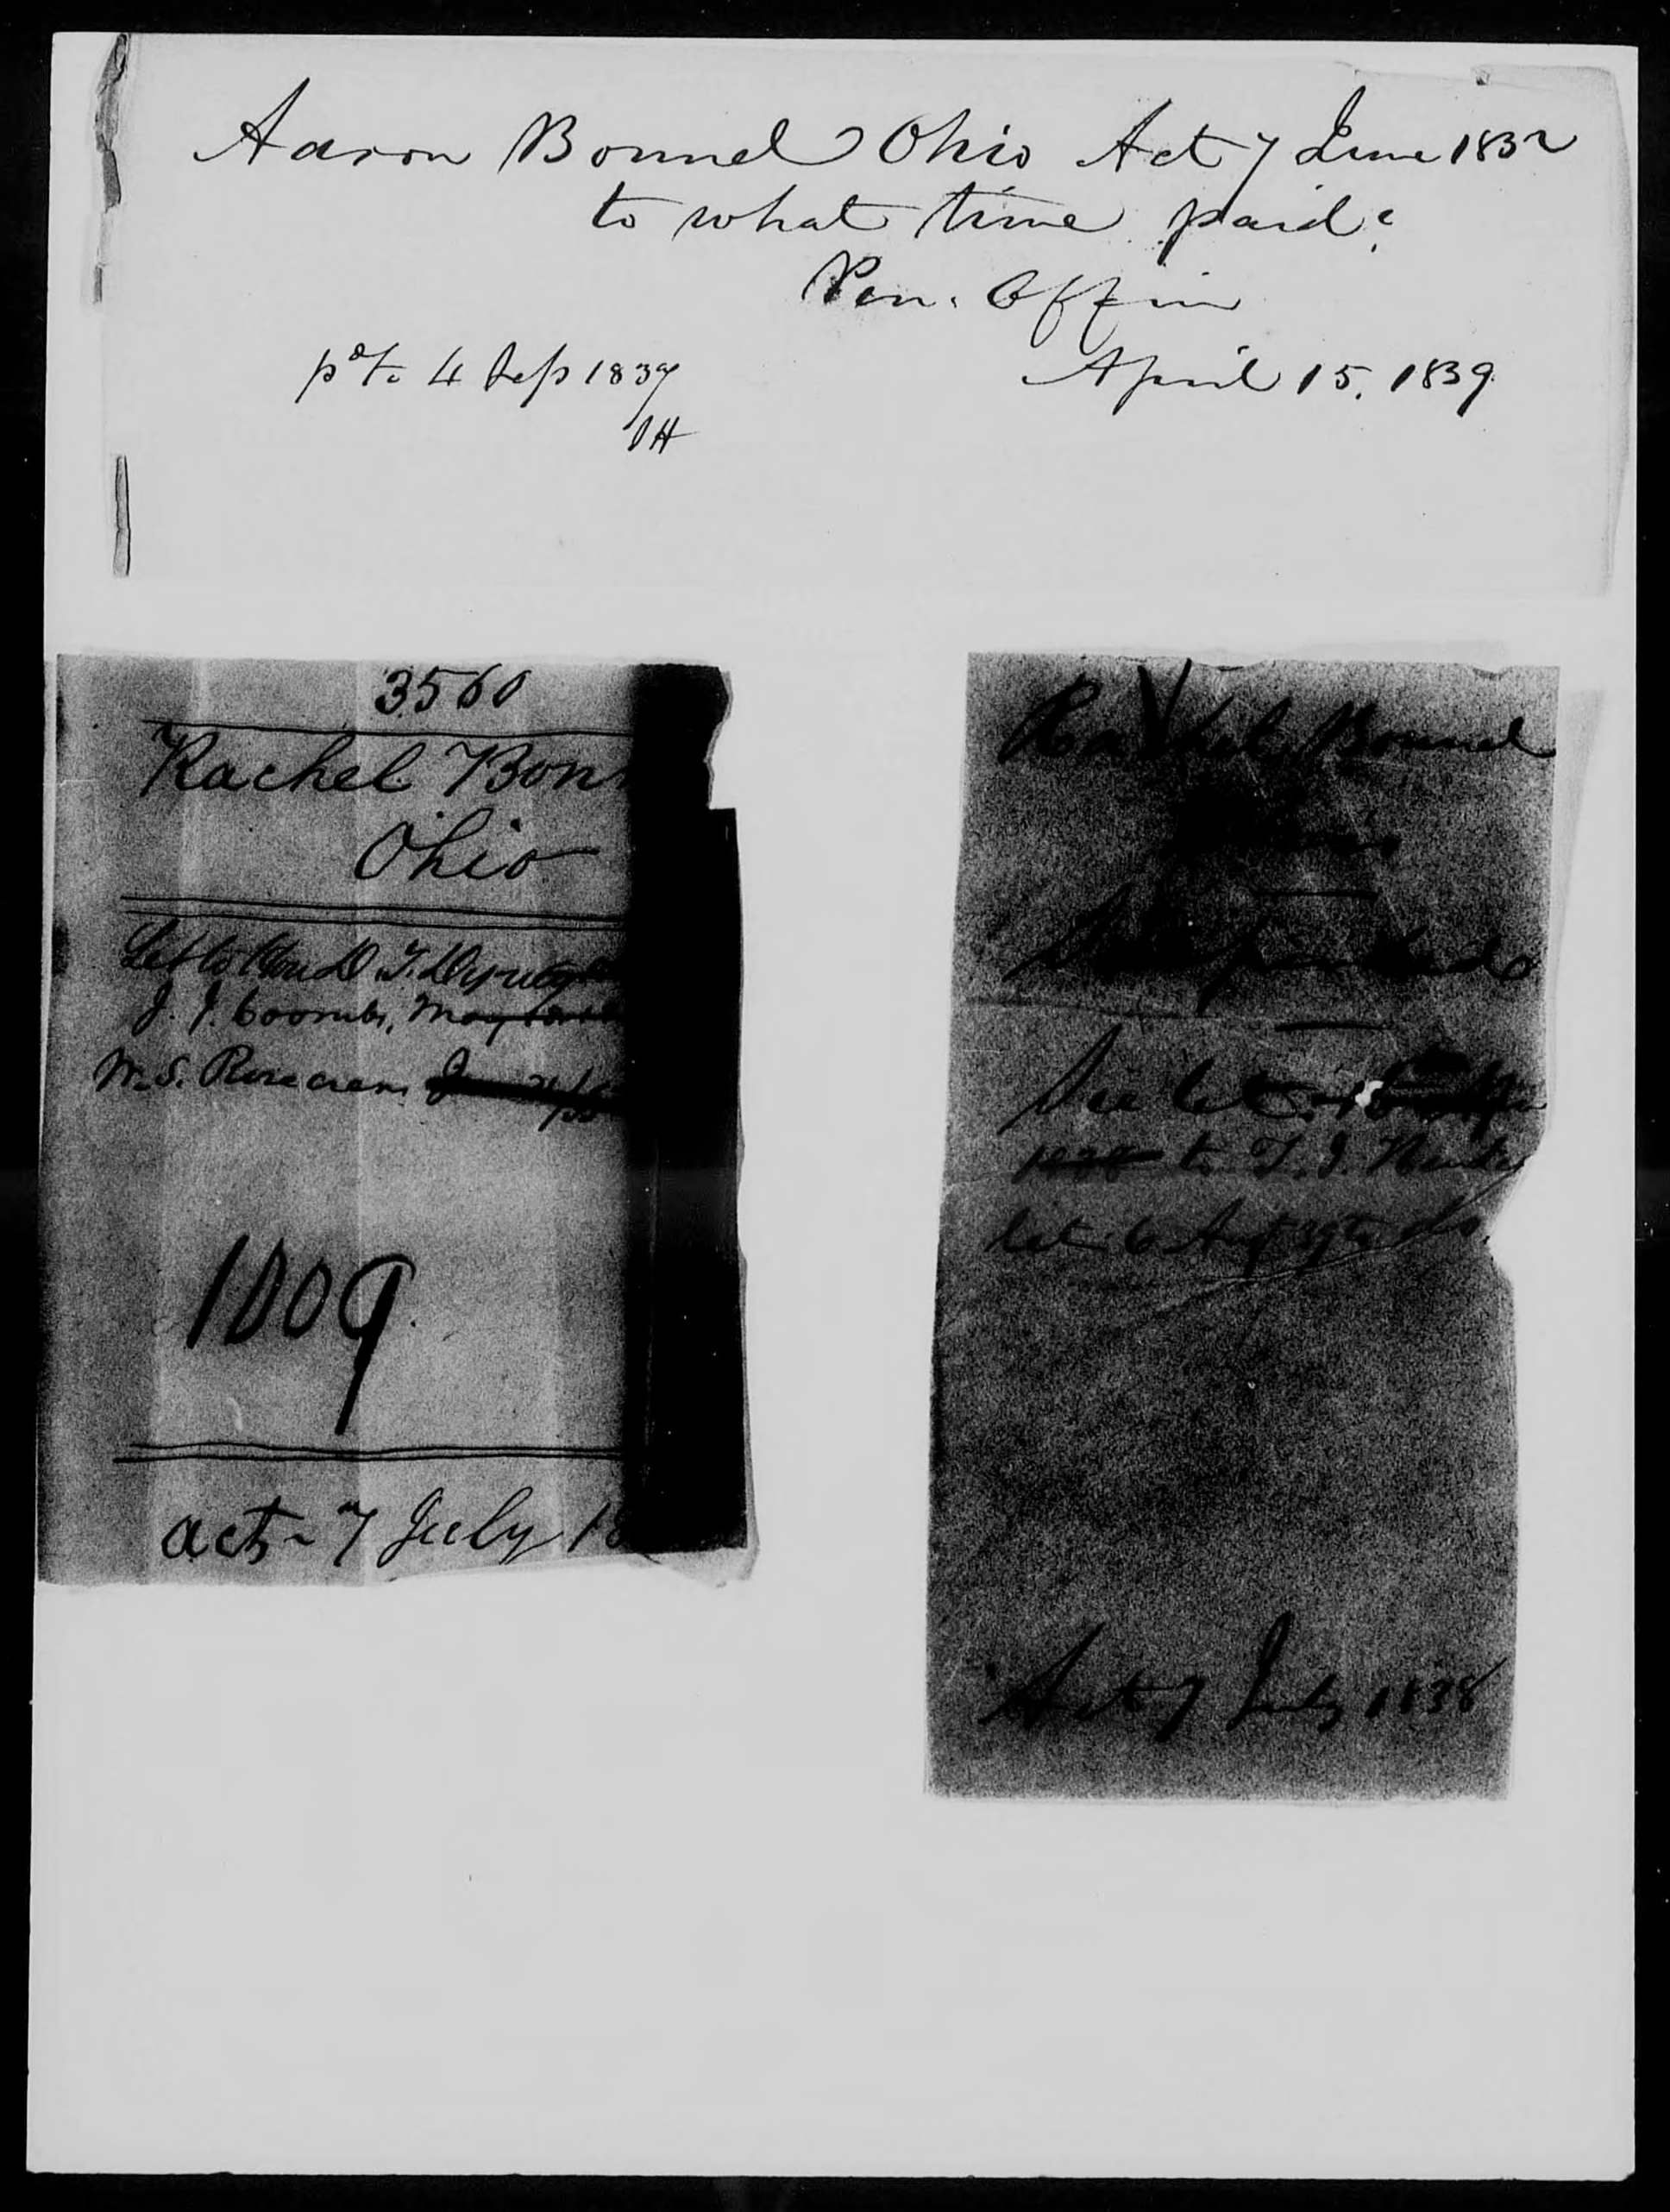Aaron Bonnel Ohio Act 7 June 1832
to what time paid?
Pen Office
April 15 1839

P of 4 Sep 1839 DH
3560
Rachel Bonnel Ohio
Let to D. T. [illegible]
J.J. Coomb May [ilegible]
M.S. Rosecran [illegible]
1009

Act 7 July 1838

Rachel Bonnel
[illegible]
See let [illegible] 1838 to T. J.  Newly
Let 6 Aug 39 to do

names: W S Rosecrans, J J Coombs, Rachel Bonnel, Aaron Bonnel, D T Disney, Rachel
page: 22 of 67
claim: rejected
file: R. 1009, Aaron Bonnel, New Jersey